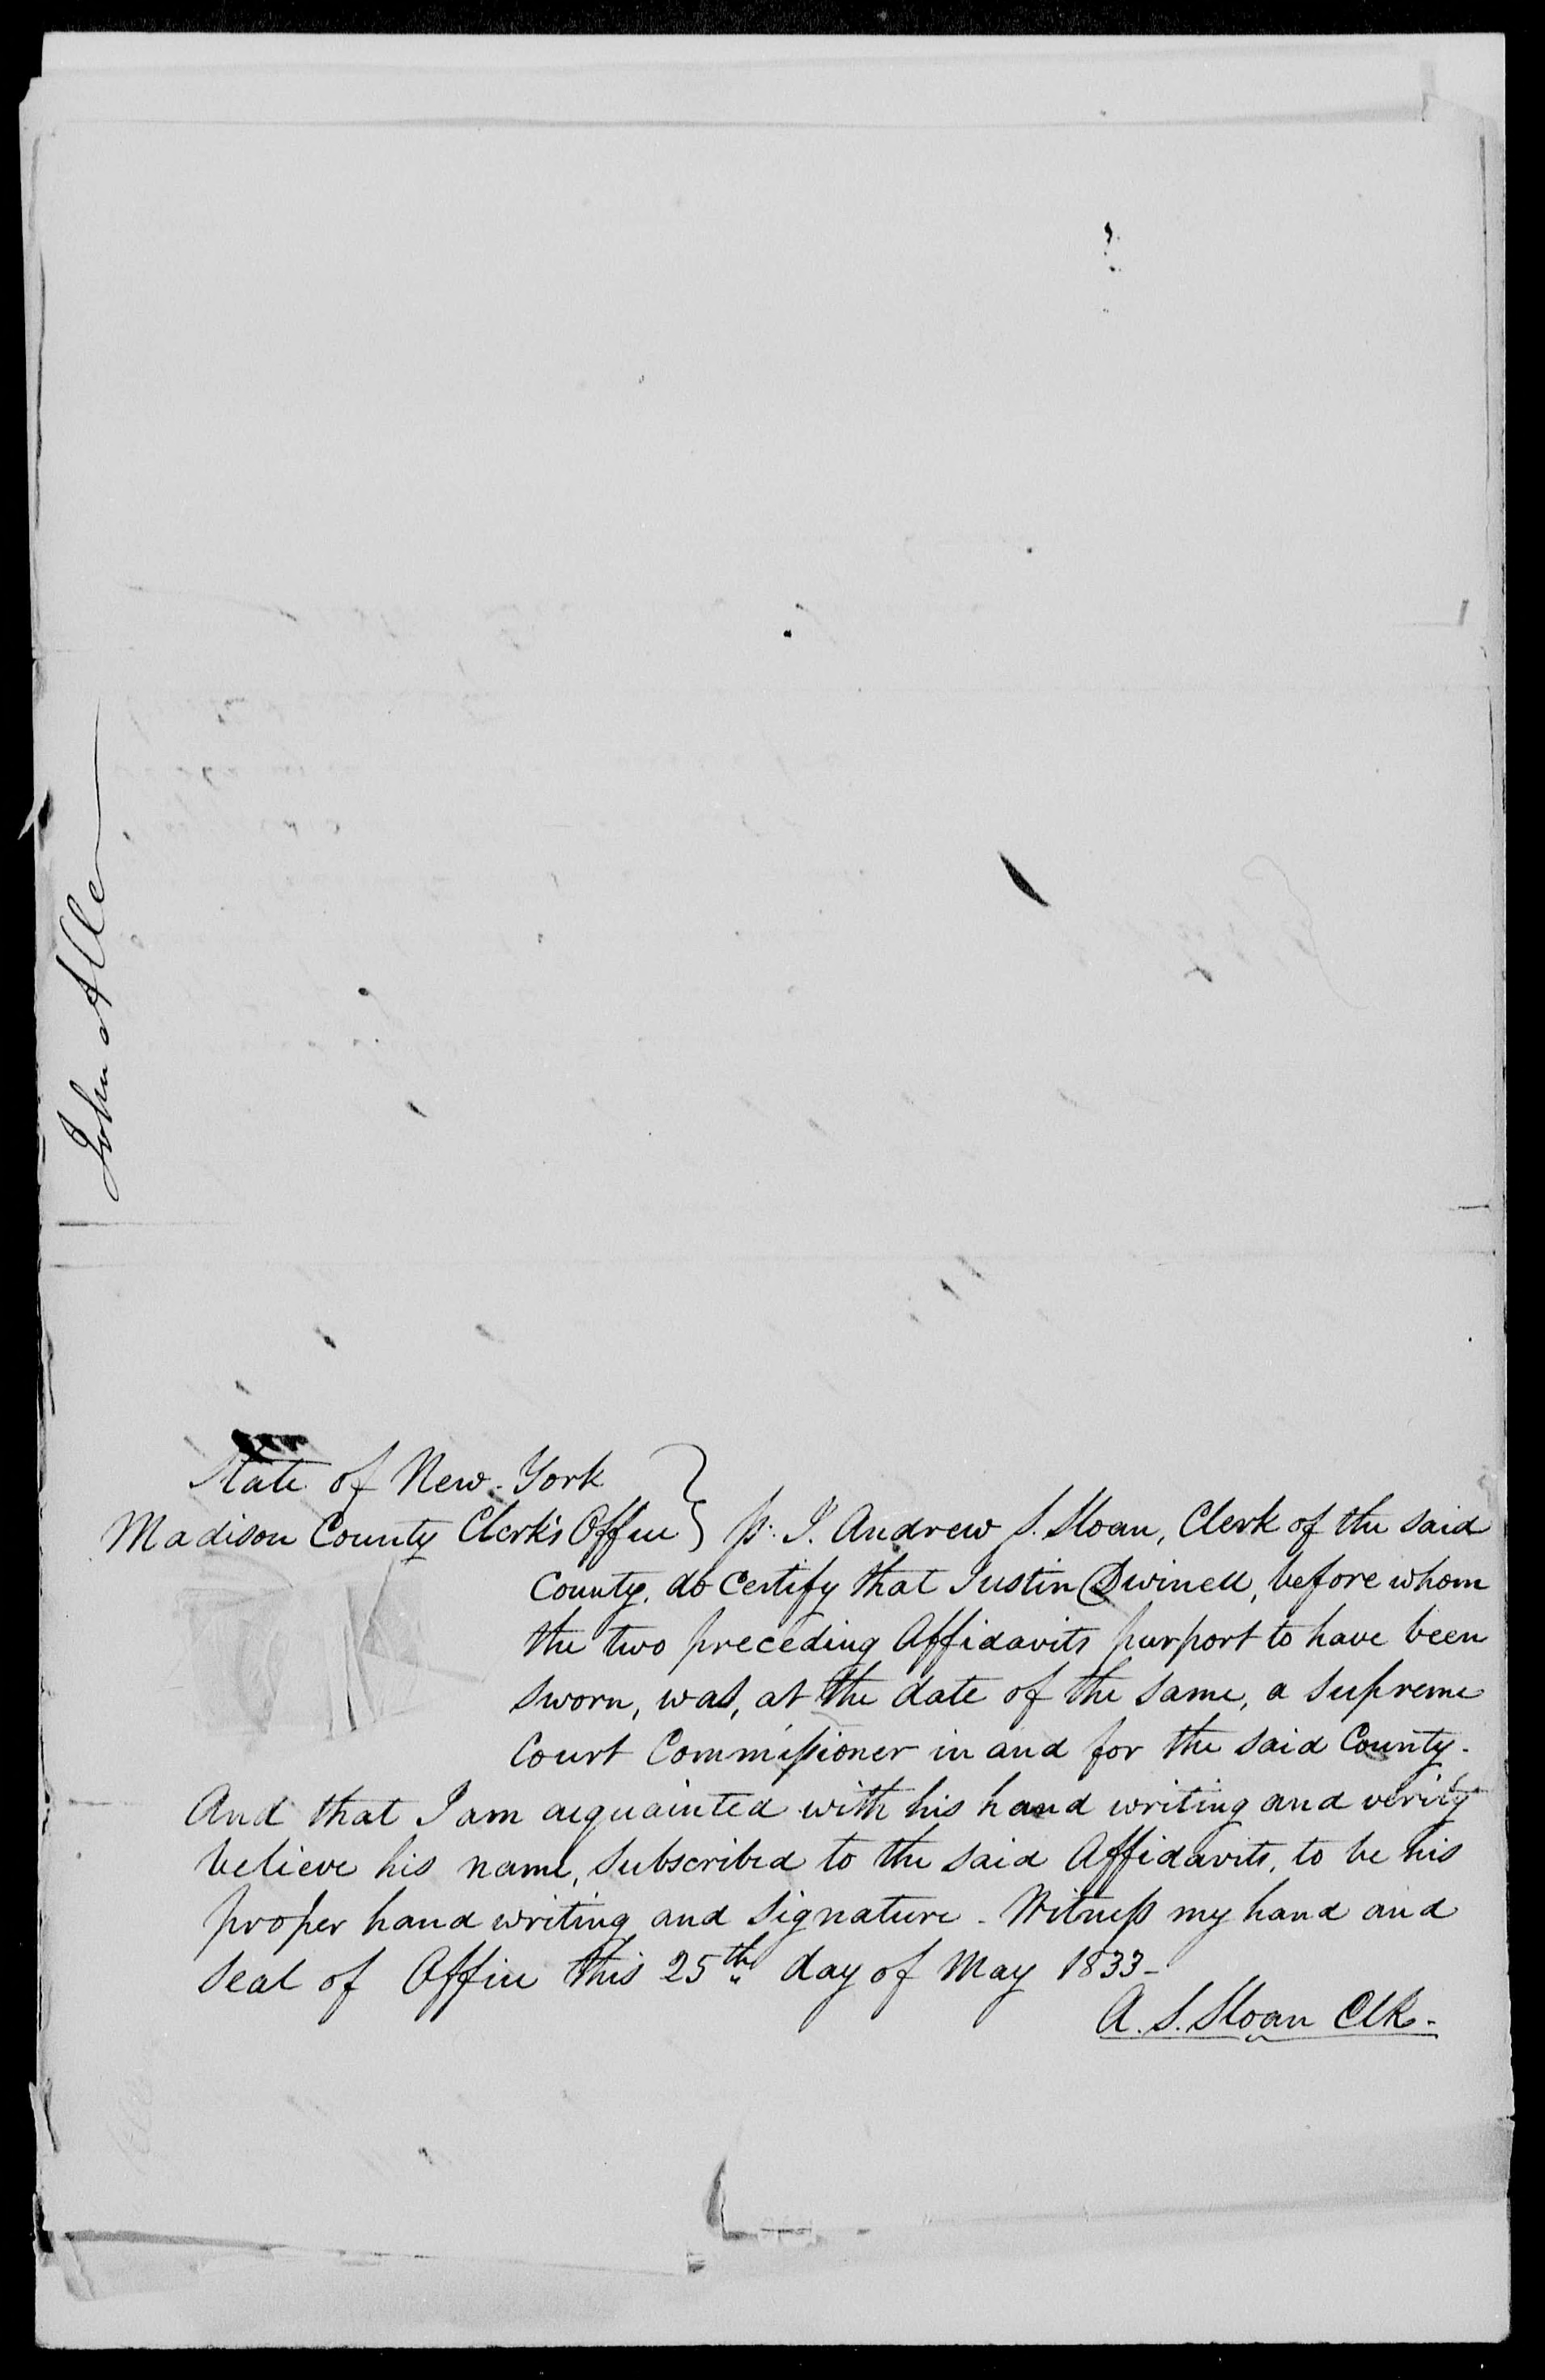[top half left side vertical] John Allen

State of New York Madison County Clerk's Office} Ss. I Andrew S. Sloan, Clerk of the said County do certify that Justin Dwinell, before whom the two preceding affidavits purport to have been Sworn, was, at the date of the same, a Supreme Court Commissioner in and for the said County. And that I am acquainted with his hand writing and verily believe his name subscribed to the said Affidavits, to be his proper hand writing and signature. Witness my hand and Seal of Office this 25th day of May 1833, 
A.S. Sloan Clk.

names: Justin Dwinell, A S Sloan, John Allen, Andrew S Sloan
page: 5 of 74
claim: widow's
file: W. 23424, John Allen, Mass. R. I.